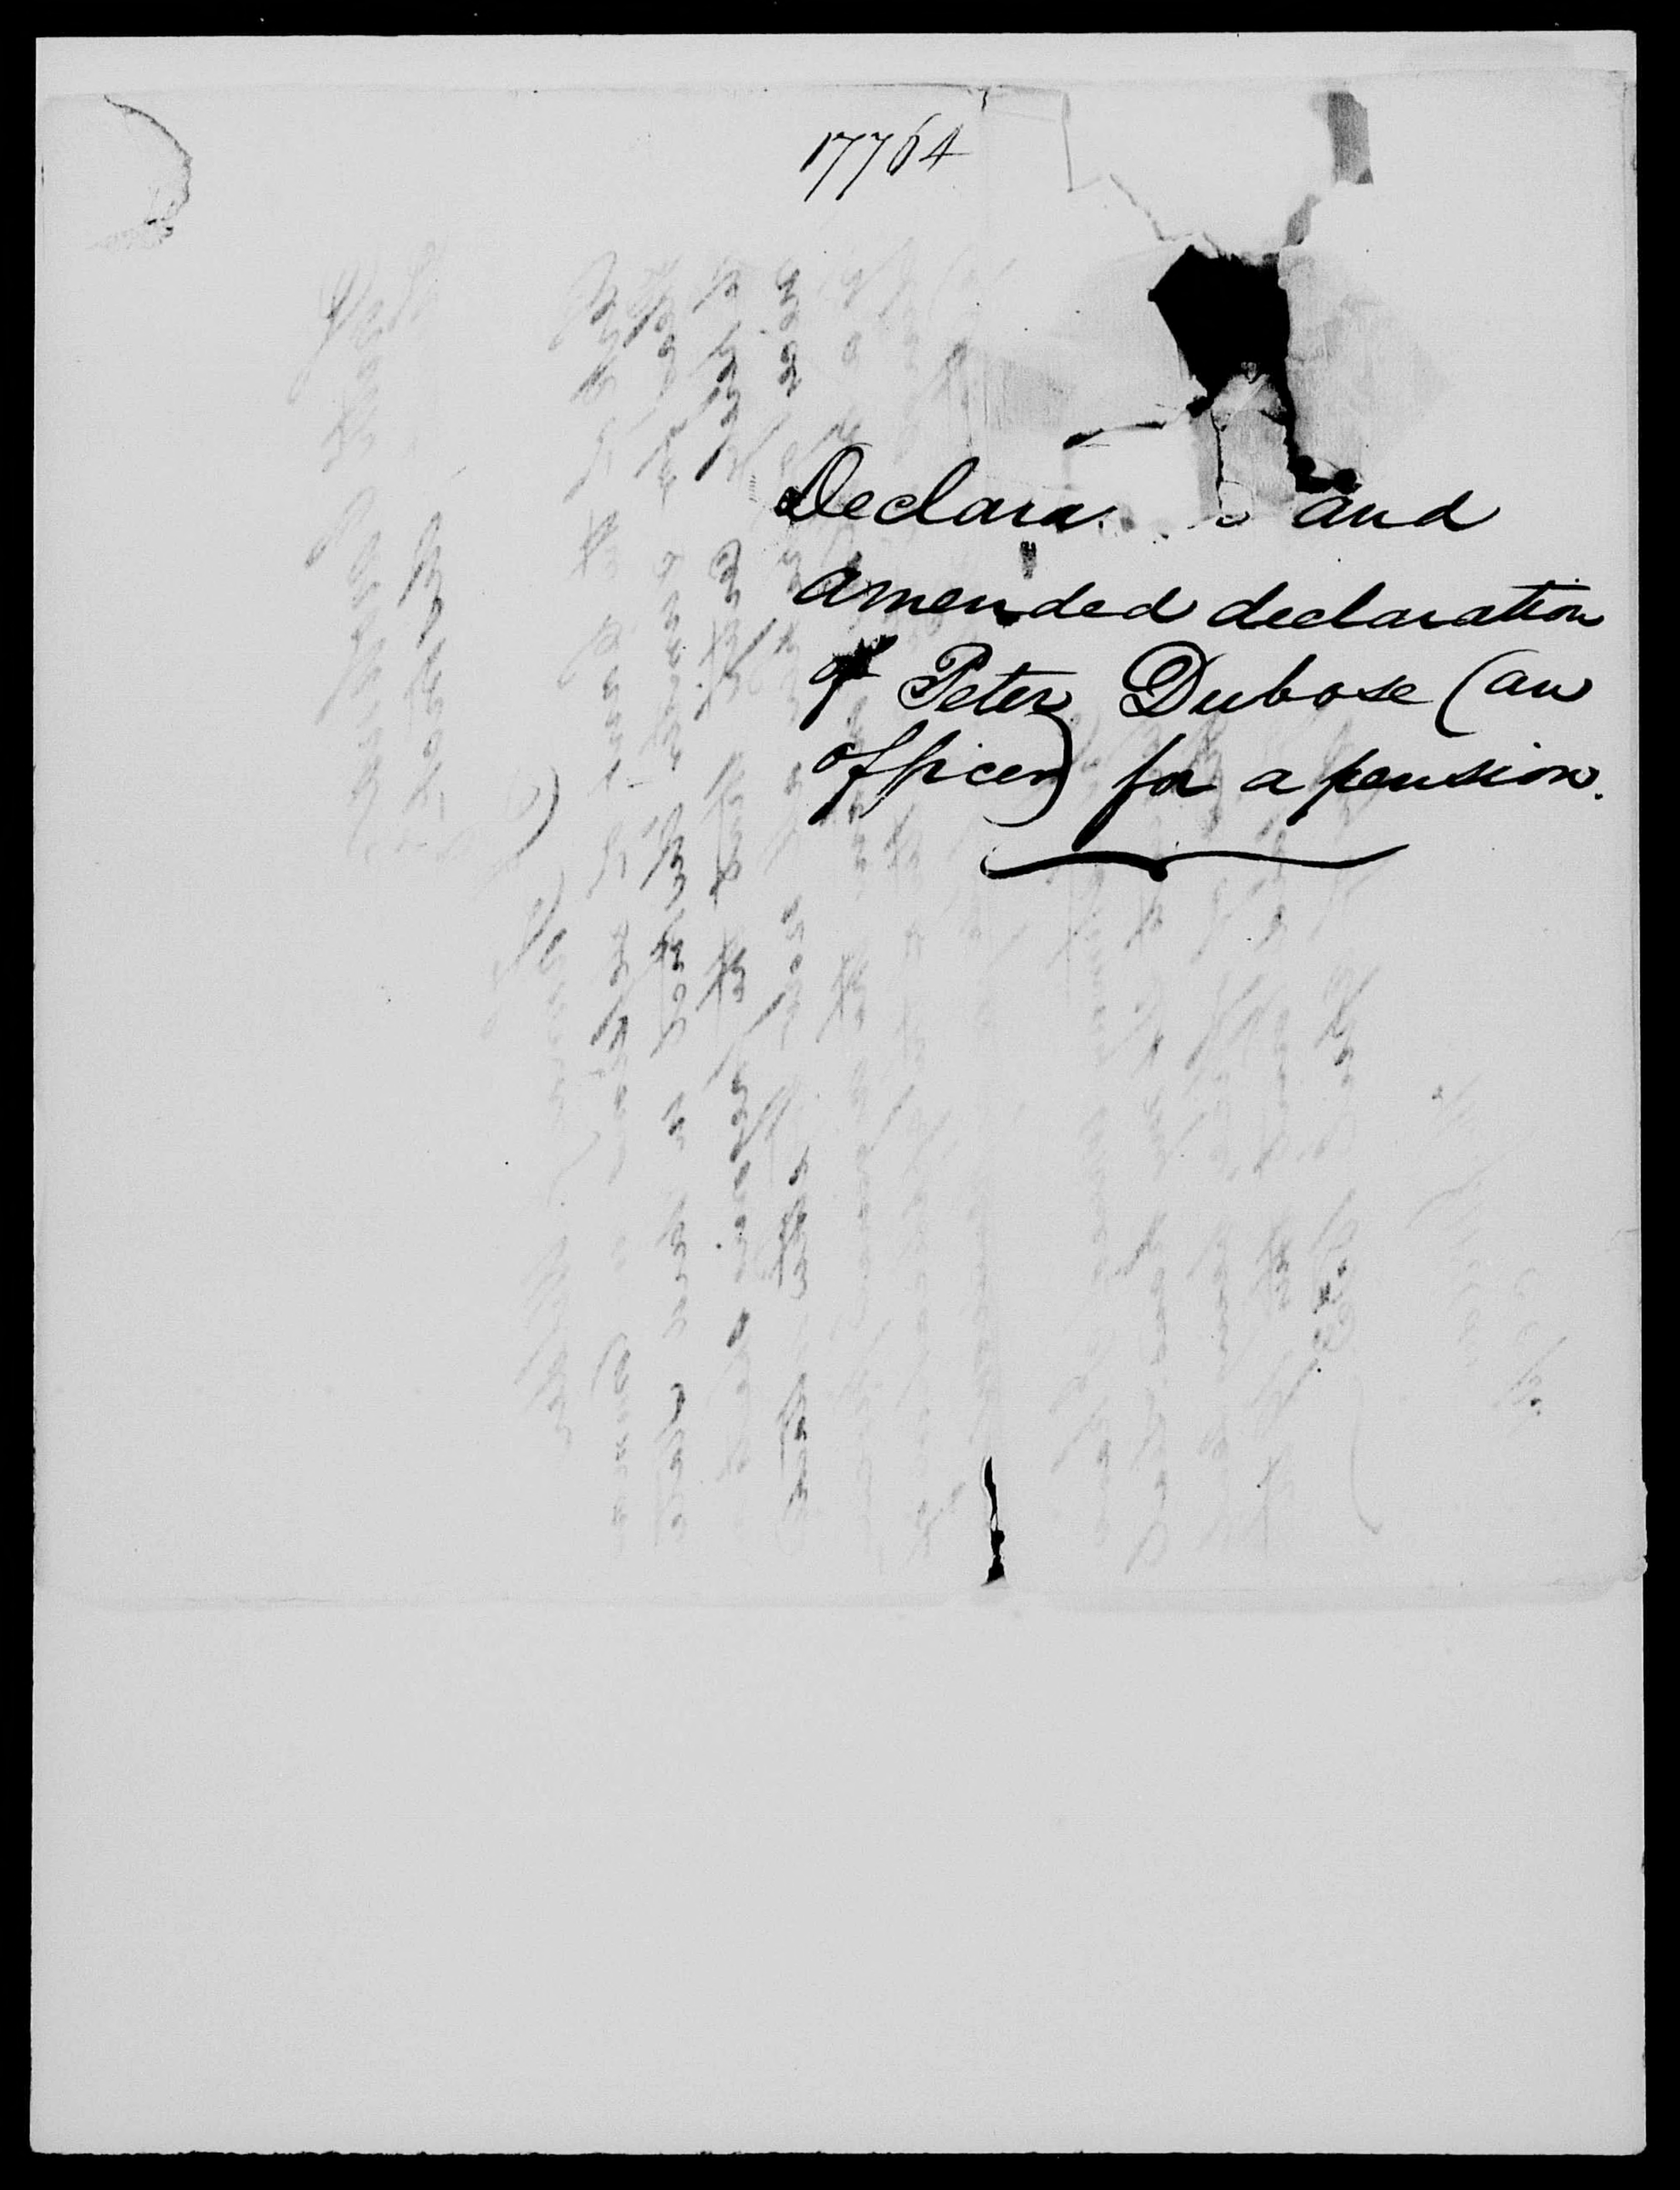17704
Declaration and 
Amended declaration
of Peter Dubose (an
officer) for a pension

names: Peter Dubose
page: 16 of 43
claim: survivor's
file: S. 21163, Peter Dubose, S.C.